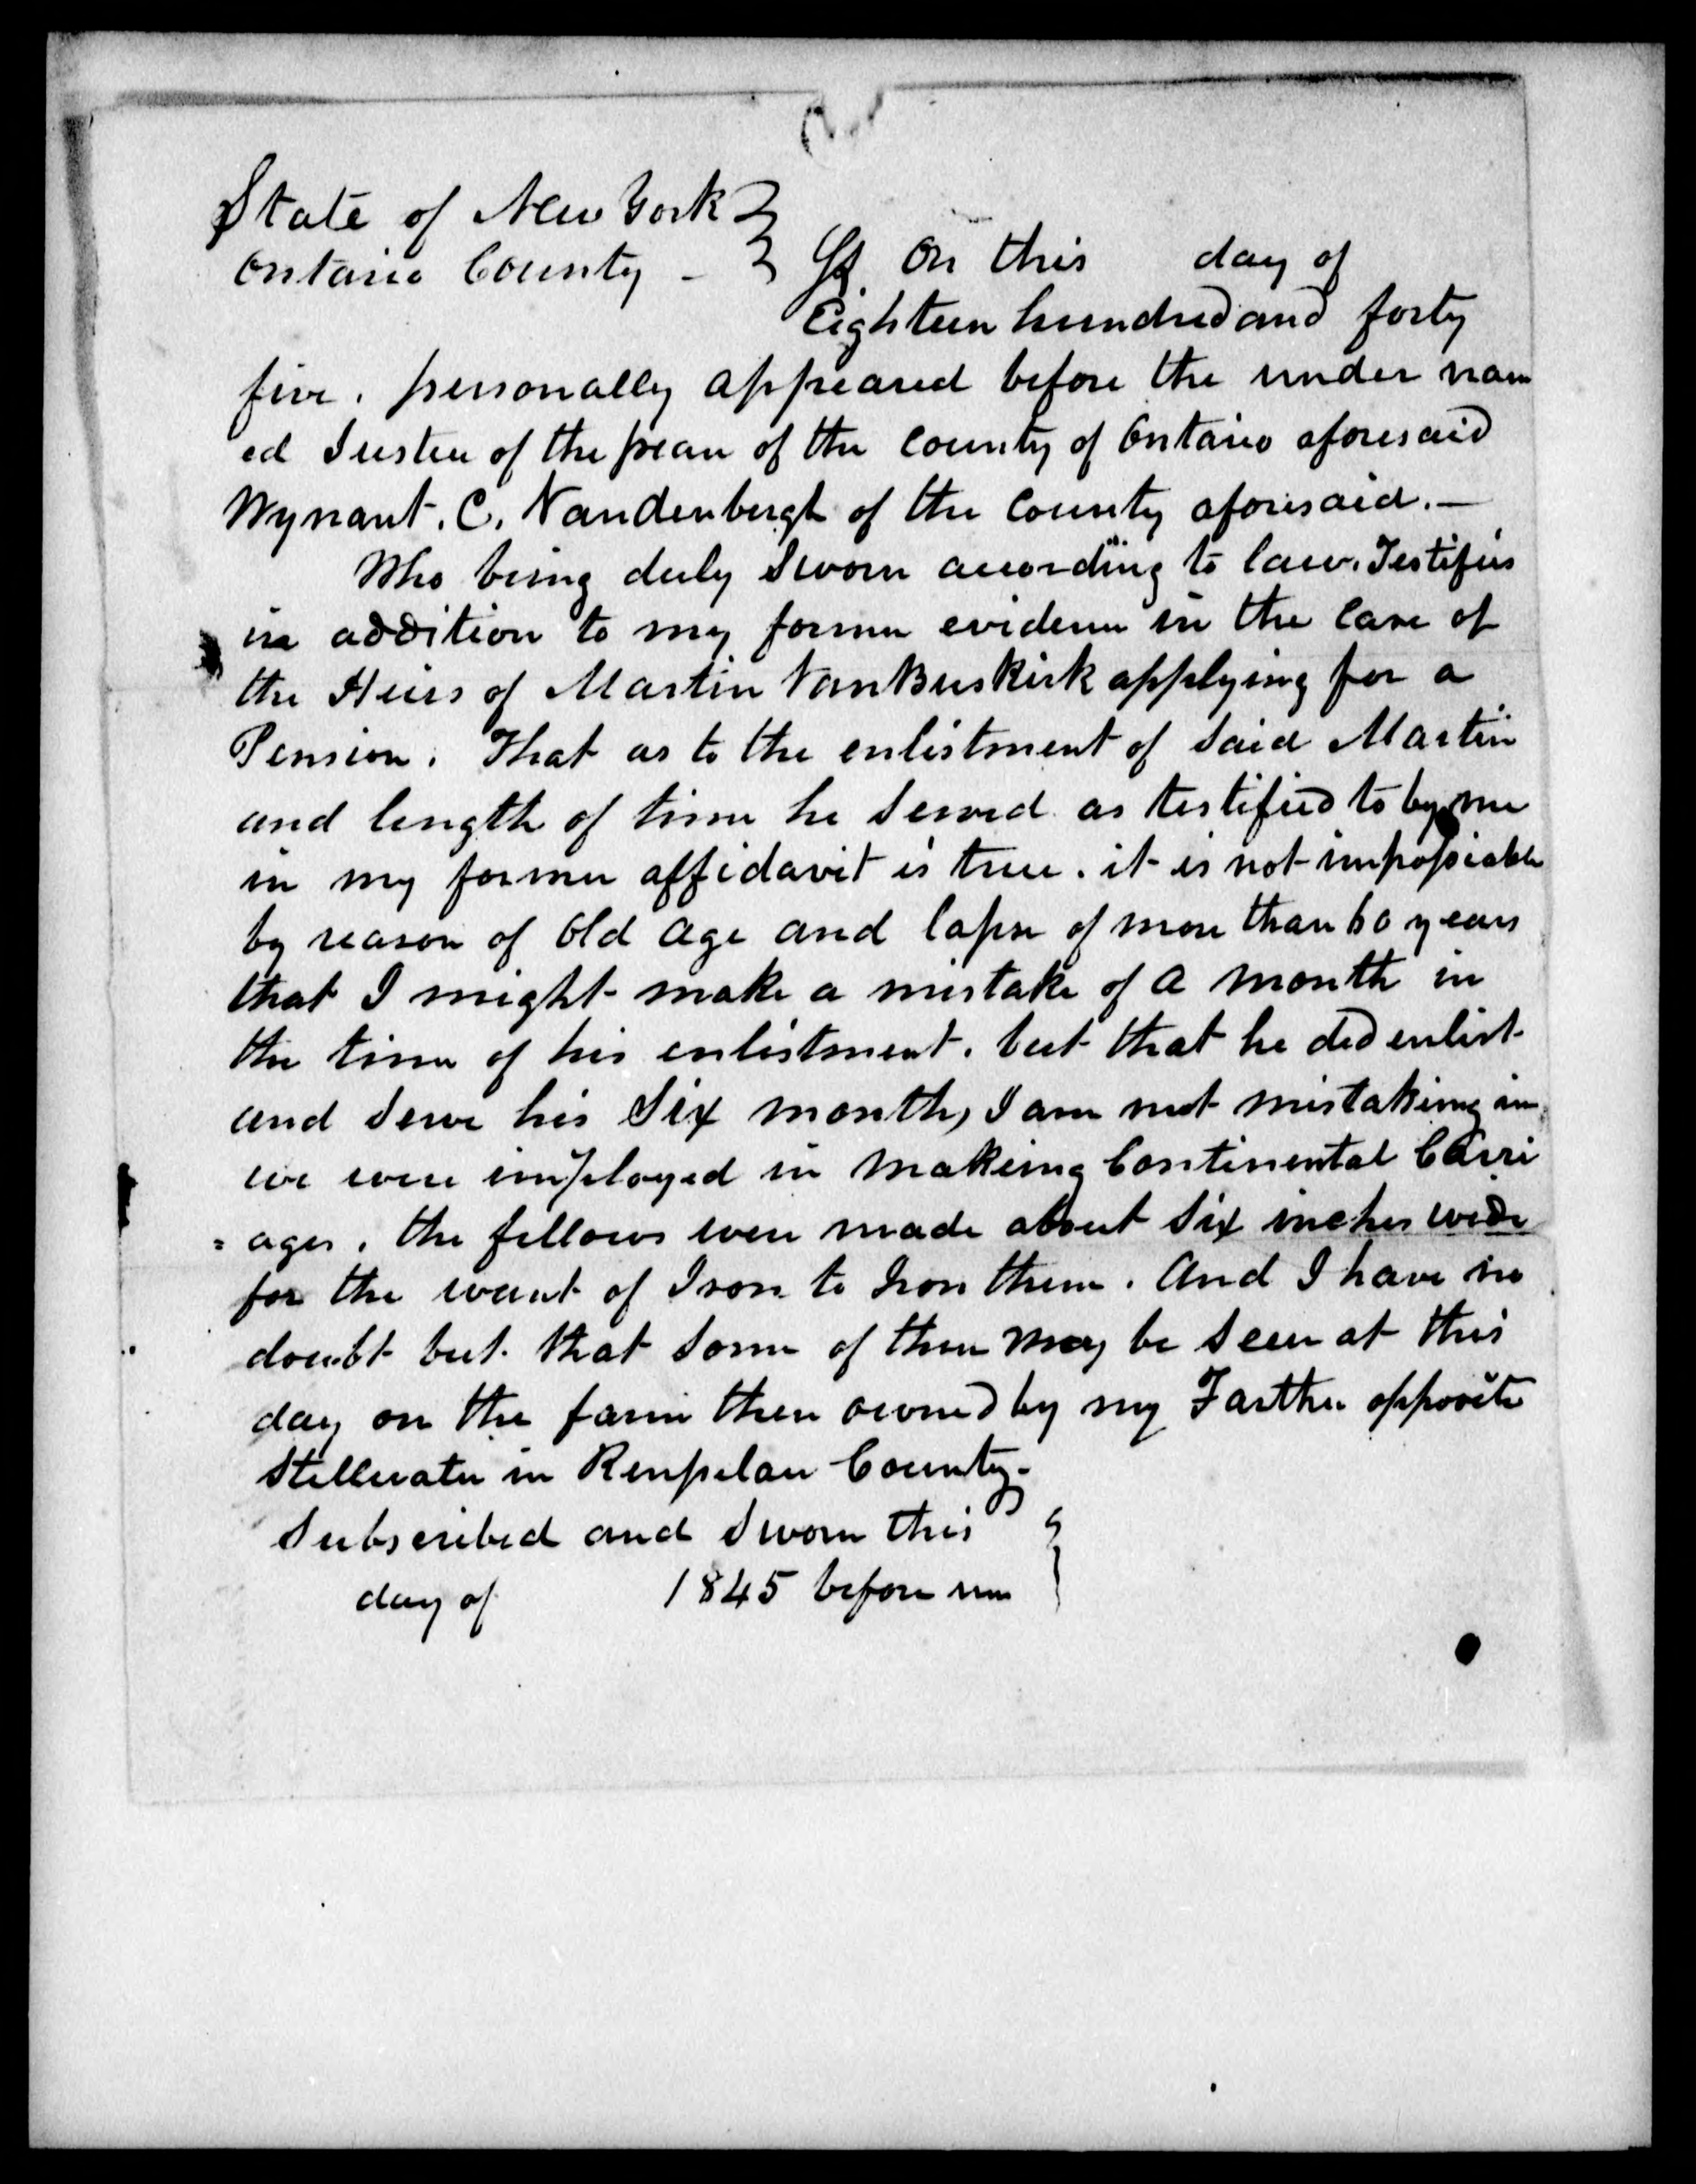State of New York 
Ontario County SS.

On this day of Eighteen hundred and forty
five, personally appeared before the under named Justice of the peace of the County of Ontario aforesaid Wynant. C. Vandenbergh of the County aforesaid.

Who being duly sworn according to law, Testifies in addition to my former evidence in the case of the Heirs of Martin Van Buskirk applying for a Pension.  That as to the enlistment of said Martin and length of time he served as testified to by me in my former affidavit is true, it is not impossible by reason of old age and lapse of more than 60 years
that I might make a mistake of a month in the time of his enlistment, but that he did enlist
and serve his six months, I am not mistaking in
we were imployed in making Continental Carriages.  the fellows were made about six inches wider for the want of Iron to iron them. And I have no doubt but that some of them may be seen at this day on the farm then owned by my Farther [Father] opposite Stillwater in Rensselaer County.

Subscribed and sworn this day of 1845 before me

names: Martin Van Buskirk, Martin, Wynant C Vandenbergh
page: 25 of 70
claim: rejected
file: R. 10,832, Martin Van Buskirk, New York.